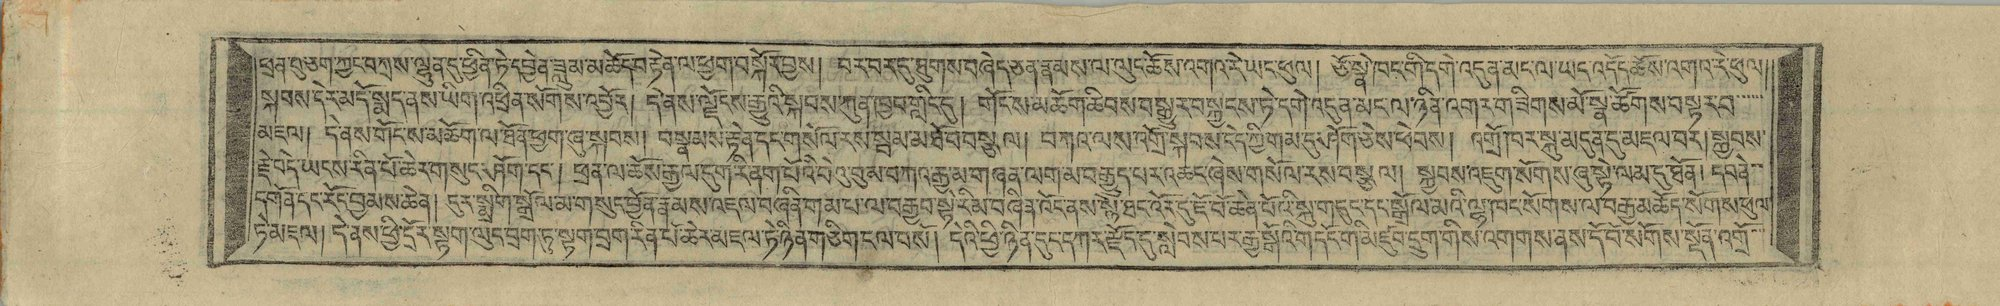ཕྲན་བུ་ཅག་ཀྱང་བཀྲས་ལྷུན་དུ་ཕྱིན་ཏེ་དབྱེན་ཟླུམ་མཆོད་བརྟེན་ལ་ཕྱག་བསྐོར་བྱས། བར་བར་དུ་ཐུགས་བཞེད་ཅན་རྣམས་ལ་ལུང་ཆོས་འགའ་རེ་ཡང་ཕུལ། ཅོ་སྣེ་ཁང་གི་དགེ་འདུན་མང་ལ་ཡང་འདོད་ཆོས་འགའ་རེ་ཕུལ།
སྐབས་དེར་མདོ་སྨད་ནས་ཡིག་འཕྲིན་སོགས་འབྱོར། དེ་ནས་ལྗོངས་རྒྱུའི་སྐབས་ཀུན་ཁྱབ་གླིང་དུ། གོང་ས་མཆོག་ཆིབས་བསྒྱུར་བསྐྱངས་ཏེ་དགེ་འདུན་མང་ལ་ཉིན་འགར་གཟིགས་མོ་སྣ་ཚོགས་བསྟར་བ་
མཇལ། དེ་ནས་གོང་ས་མཆོག་ལ་ཐོན་ཕྱག་ཞུ་སྐབས། བསྣམས་རྟེན་དང་གསོལ་རས་སྦམ་མཐོ་བ་བསྩལ། བཀའ་ལས་འགྲོ་སྐབས་ངེད་ཀྱི་གམ་དུ་ཤོག་ཅེས་ཕེབས། འགྲོ་ཁར་སྐུ་མདུན་དུ་མཇལ་བར། སྐྱབས་
རྗེ་བདེ་ཡངས་རིན་པོ་ཆེར་གསུང་ཤོག་དང་། ཕྲན་ལ་ཆོས་རྒྱལ་དུག་རི་ནག་པོའི་བེའུ་བུམ་བཀའ་རྒྱ་མ་གཞན་ལག་མ་བརྒྱུད་པར་འཆང་ཞེས་གསོལ་རས་བསྩལ། སྐྱབས་འཇུག་སོགས་ཞུ་སྟེ་ལམ་དུ་ཐོན། དབེན་
དགོན་དང་རོང་བྱམས་ཆེན། ངུར་སྨྲིག་སྒྲོལ་མ་གསུང་བྱོན་རྣམས་འཇལ་བཞིན་གམ་པ་ལ་བརྒྱབ་སྟེ་རིམ་བཞིན་འོང་ནས་སྙེ་ཐང་འོར་དུ་ཇོ་བོ་ཆེན་པོའི་སྐུ་གདུང་དང་སྒྲོལ་མའི་ལྷ་ཁང་སོགས་ལ་བརྒྱ་མཆོད་སོགས་ཕུལ་
ཏེ་མཇལ། དེ་ནས་ཕྱི་དྲོར་སྟག་ལུང་བྲག་ཏུ་སྟག་བྲག་རིན་པོ་ཆེར་མཇལ་ཏེ་ཉིན་གཅིག་ངལ་བསོ། དེའི་ཕྱི་ཉིན་དུང་དཀར་རྫོང་དུ་སླེབས་པར་རྒྱ་སྒོའི་གདོང་གི་མཛུབ་དྲུག་གིས་འགགས་ནས་དོ་བོ་སོགས་སྔོན་འགྲོ་